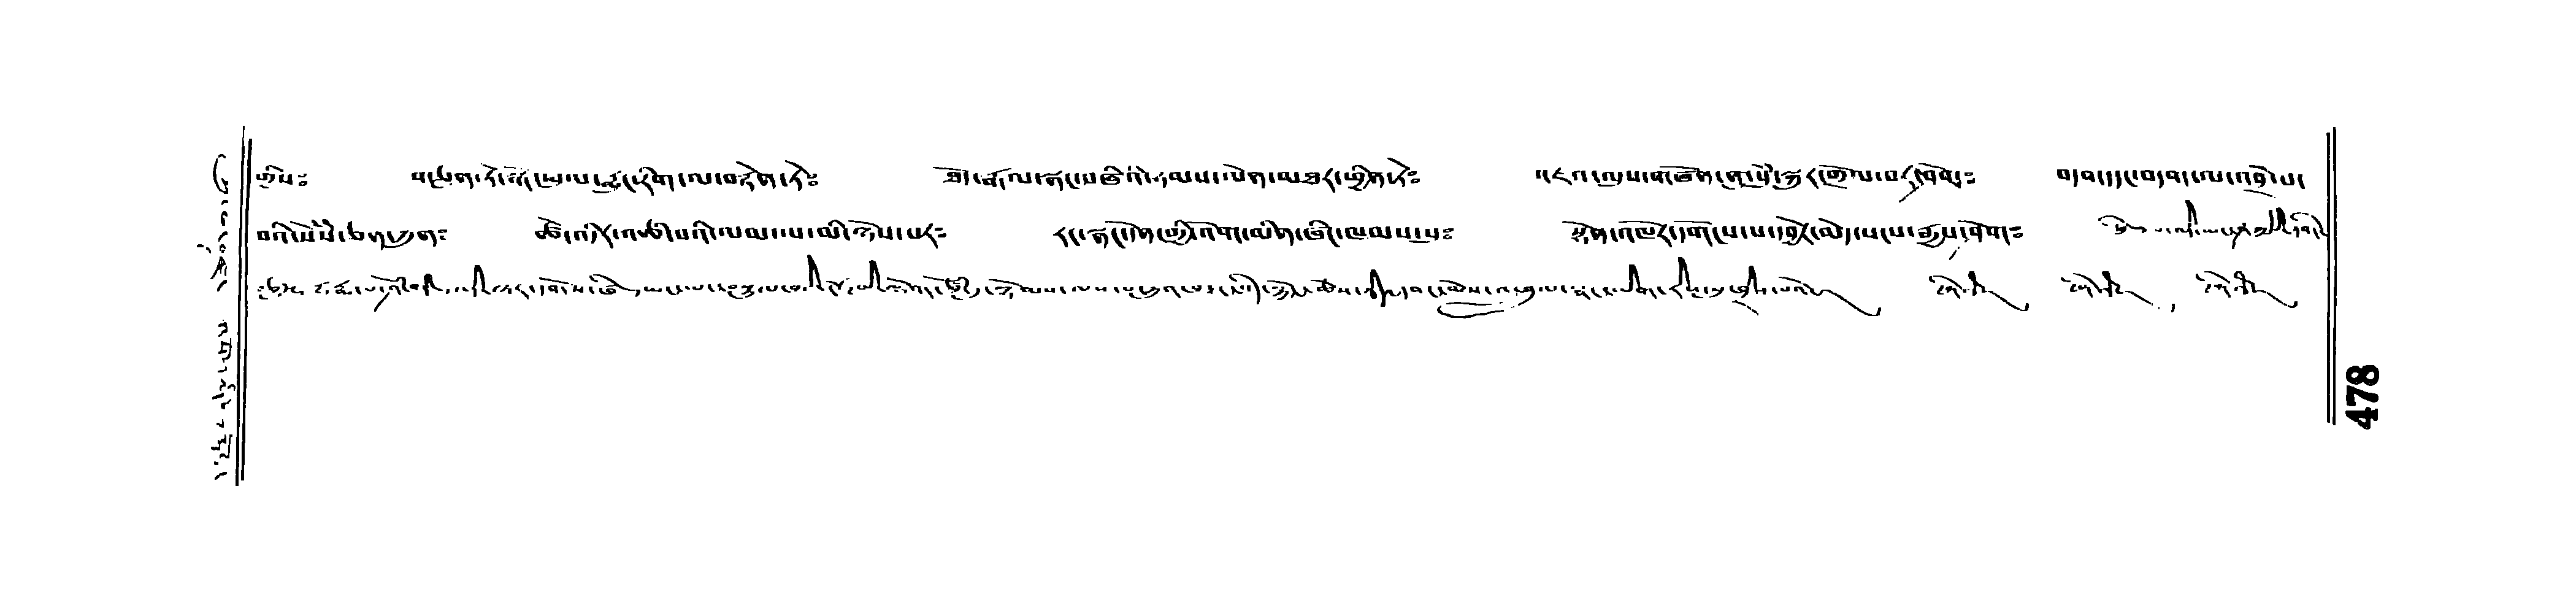གྱིས༔ གཅུན་ཏེ་སྒོ་ཡུལ་རླུང་རིག་ལ་བརྟེན་ཏེ༔ ཐོད་རྒལ་སྣང་བཞིའི་ཉམས་ལེན་མཐར་ཕྱིན་ཏེ༔ འཇའ་ལུས་གཞོན་ནུ་བུམ་སྐུར་གྲོལ་བར་ཤོག༔ བདག་དང་བདག་ལ་འབྲེལ་བའི་
སེམས་ཅན་ཀུན༔ ཚེ་འདིར་འཆི་བའི་ལམ་ལ་མི་ལྟོས་པར༔ རང་སྣང་དོན་གྱི་འོག་མིན་ཞིང་ཁམས་སུ༔ སྟོན་འཁོར་དགོངས་པ་དབྱེར་མེད་སངས་རྒྱས་ཤོག༔ ཅེས་པ་འདི་ཡང་ཤཱཀྱའི་དགེ་
བཙུན་དྷརྨ་པ་ཤམ་གྱིས་འདི་ལྟར་དགོས་ཞེས་ཡང་ཡང་བསྐུལ་བའི་ངོ་མི་ལྡོག་ཙམ་དུ་སྙོམས་ལས་པ་ཀུན་བཟང་བདེ་སྐྱོང་ཆོས་ཉིད་དབང་མོས་འཕྲུལ་སྣང་ཡིག་རིས་སུ་བྲིས་པའོ།། དགེའོ།།